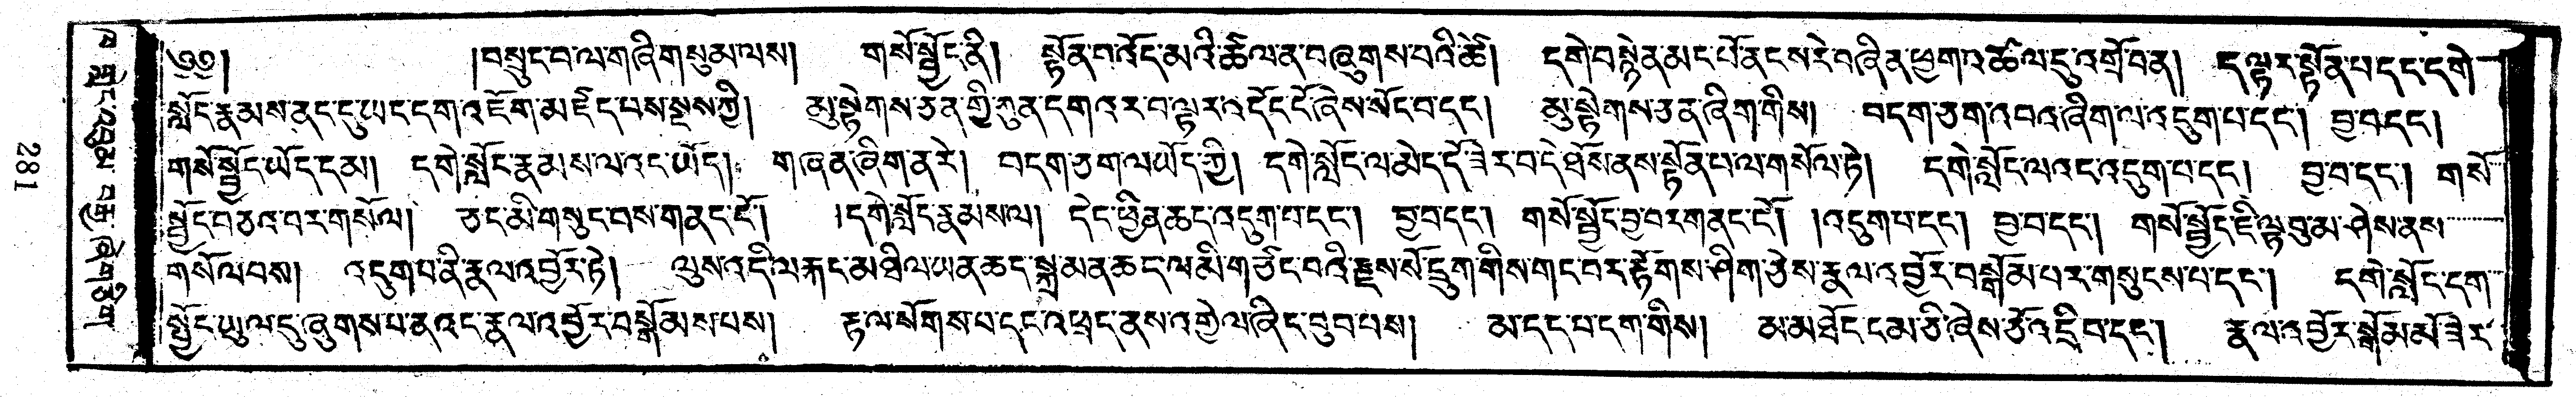༄༅། །བསྲུང་བ་ལ་གཞི་གསུམ་ལས། གསོ་སྦྱོང་ནི། སྟོན་པ་འོད་མའི་ཚལ་ན་བཞུགས་པའི་ཚེ། དགེ་བསྙེན་མང་པོ་ནང་རེ་བཞིན་ཕྱག་འཚལ་དུ་འགྲོ་བ་ན། ད་ལྟར་སྟོན་པ་དང་དགེ་
སློང་རྣམས་ནང་དུ་ཡང་དག་འཇོག་མཛད་པས་སྔས་ཀྱི། མུ་སྟེགས་ཅན་གྱི་ཀུན་དགའ་ར་བ་ལྟར་འདོང་ངོ་ཞེས་སོང་བ་དང་། མུ་སྟེགས་ཅན་ཞིག་གིས། བདག་ཅག་འབའ་ཞིག་ལ་འདུག་པ་དང་། བྱ་བ་དང་།
གསོ་སྦྱོང་ཡོད་དམ། དགེ་སློང་རྣམས་ལའང་ཡོད། གཞན་ཞིག་ན་རེ། བདག་ཅག་ལ་ཡོད་ཀྱི། དགེ་སློང་ལ་མེད་དོ་ཟེར་བ་དེ་ཐོས་ནས་སྟོན་པ་ལ་གསོལ་ཏེ། དགེ་སློང་ལའང་འདུག་པ་དང་། བྱ་བ་དང་། གསོ་
སྦྱོང་བཅའ་བར་གསོལ། ཅང་མི་གསུང་བས་གནང་ངོ། །དགེ་སློང་རྣམས་ལ། དེང་ཕྱིན་ཆད་འདུག་པ་དང་། བྱ་བ་དང་། གསོ་སྦྱོང་བྱ་བར་གནང་ངོ། །འདུག་པ་དང་། བྱ་བ་དང་། གསོ་སྦྱོང་ཇི་ལྟ་བུ་མ་ཤེས་ནས་
གསོལ་བས། འདུག་པ་ནི་རྣལ་འབྱོར་ཏེ། ལུས་འདི་ལ་རྐང་མཐིལ་ཡན་ཆད་སྐྲ་མན་ཆད་ལ་མི་གཙང་བའི་རྫས་སོ་དྲུག་གིས་གང་བར་རྟོགས་ཤིག་ཅེས་རྣལ་འབྱོར་བསྒོམ་པར་གསུངས་པ་དང་། དགེ་སློང་དག་
སྦྱོང་ཡུལ་དུ་ཞུགས་པ་ནའང་རྣལ་འབྱོར་བསྒོམས་པས། རྟ་ལ་སོགས་པ་དང་འཕྲད་ནས་འགྱེལ་ཞིང་བུབ་པས། མ་དད་པ་དག་གིས། མ་མཐོང་ངམ་ཅི་ཞེས་ཅོ་འདྲི་བ་དང་། རྣལ་འབྱོར་སྒོམ་མོ་ཟེར་